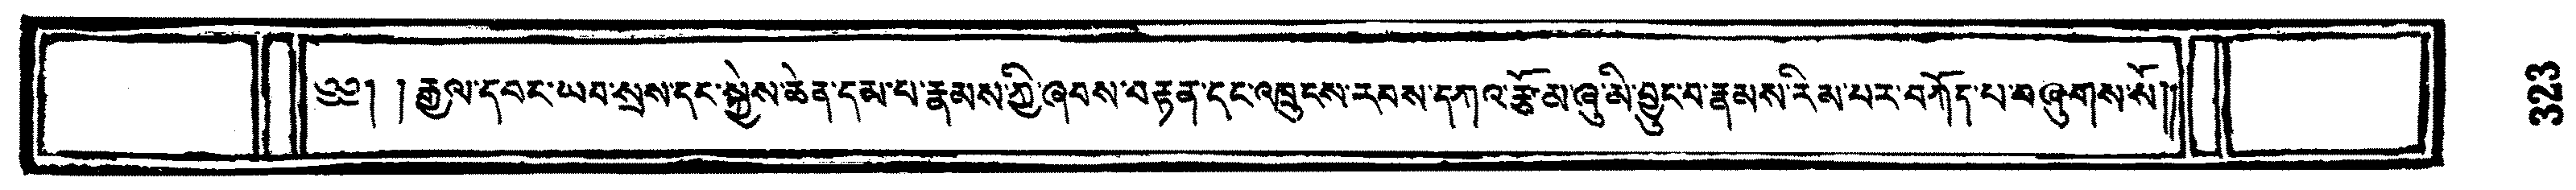༄༅། །རྒྱལ་དབང་ཡབ་སྲས་དང་སྐྱེས་ཆེན་དམ་པ་རྣམས་ཀྱི་ཞབས་བརྟན་དང་འཁྲུངས་རབས་དཀའ་རྩོམ་ཞུ་མི་བྱུང་བ་རྣམས་རིམ་པར་བཀོད་པ་བཞུགས་སོ།།